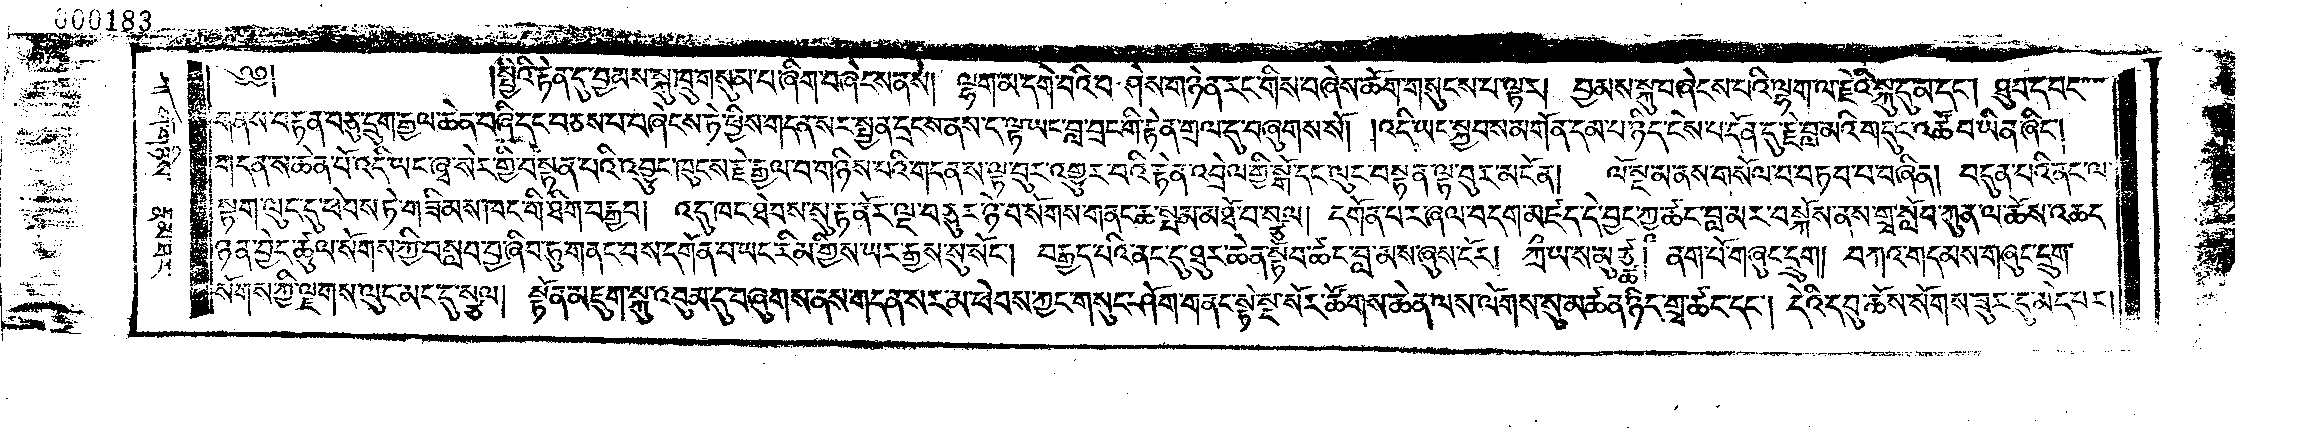༄༅། །སྤྱིའི་རྟེན་དུ་བྱམས་སྐུ་ཁྲུ་གསུམ་པ་ཞིག་བཞེངས་ནས། ལྷག་མ་དགེ་བའི་བཤེས་གཉེན་རང་གིས་བཞེས་ཆོག་གསུངས་པ་ལྟར། བྱམས་སྐུ་བཞེངས་པའི་ལྷག་ལ་རྗེའི་སྐུ་དུ་མ་དང་། ཐུབ་དབང་
གནས་བརྟན་བཅུ་དྲུག་རྒྱལ་ཆེན་བཞི་དང་བཅས་པ་བཞེངས་ཏེ་ཕྱིས་གདན་སར་སྤྱན་དྲངས་ནས་ད་ལྟ་ཡང་བླ་བྲང་གི་རྟེན་གྲལ་དུ་བཞུགས་སོ། །འདི་ཡང་སྐྱབས་མགོན་དམ་པ་ཉིད་ངེས་པ་དོན་དུ་རྗེ་བླ་མའི་གདུང་འཚོབ་ཡིན་ཞིང་།
གདན་ས་ཆེན་པོ་འདི་ཡང་ཞྭ་སེར་གྱི་བསྟན་པའི་འབྱུང་ཁུངས་རྗེ་རྒྱལ་བ་གཉིས་པའི་གདན་ས་ལྟ་བུར་འགྱུར་བའི་རྟེན་འབྲེལ་གྱི་སྒོ་དང་ལུང་བསྟན་ལྟ་བུར་མངོན། ལོ་སྔ་མ་ནས་གསོལ་བ་བཏབ་པ་བཞིན། བདུན་པའི་ནང་ལ་
སྟག་ལུང་དུ་ཕེབས་ཏེ་གཟིམས་ཁང་གི་ཐིག་བརྒྱབ། འདུ་ཁང་ཐེབས་སུ་རྟ་ནོར་ལྔ་བཅུར་ཉེ་བ་སོགས་གནང་ཆ་སྤམ་མཐོ་བ་སྩལ། དགོན་པར་ཞལ་བདག་མཛད་དེ་བྱང་ཀྱཱ་ཚང་བླ་མར་བསྐོས་ནས་གྲྭ་སློབ་ཀུན་ལ་ཆོས་འཆད་
ཉན་བྱེད་ཚུལ་སོགས་ཀྱི་བསླབ་བྱ་ཞིབ་ཏུ་གནང་བས་དགོན་པ་ཡང་རིམ་གྱིས་ཡར་རྒྱས་སུ་སོང་། བརྒྱད་པའི་ནང་དུ་ཐུར་ཆེན་སྟོབ་ཚང་བླ་མས་ཞུས་ངོར། ཀྲྀ་ཡ་ས་མུཙྪ། ནག་པོ་གཞུང་དྲུག། བཀའ་གདམས་གཞུང་དྲུག་
སོགས་ཀྱི་ལྗགས་ལུང་མང་དུ་སྩལ། སྟོན་མཇུག་སྐུ་འབུམ་དུ་བཞུགས་ནས་གདན་སར་མ་ཕེབས་ཀྱང་གསུང་ཤོག་གནང་སྟེ་སྔ་སོར་ཚོགས་ཆེན་ལས་ལོགས་སུ་མཚན་ཉིད་གྲྭ་ཚང་དང་། དེའི་དབུ་ཆོས་སོགས་ཟུར་དུ་མེད་པར།